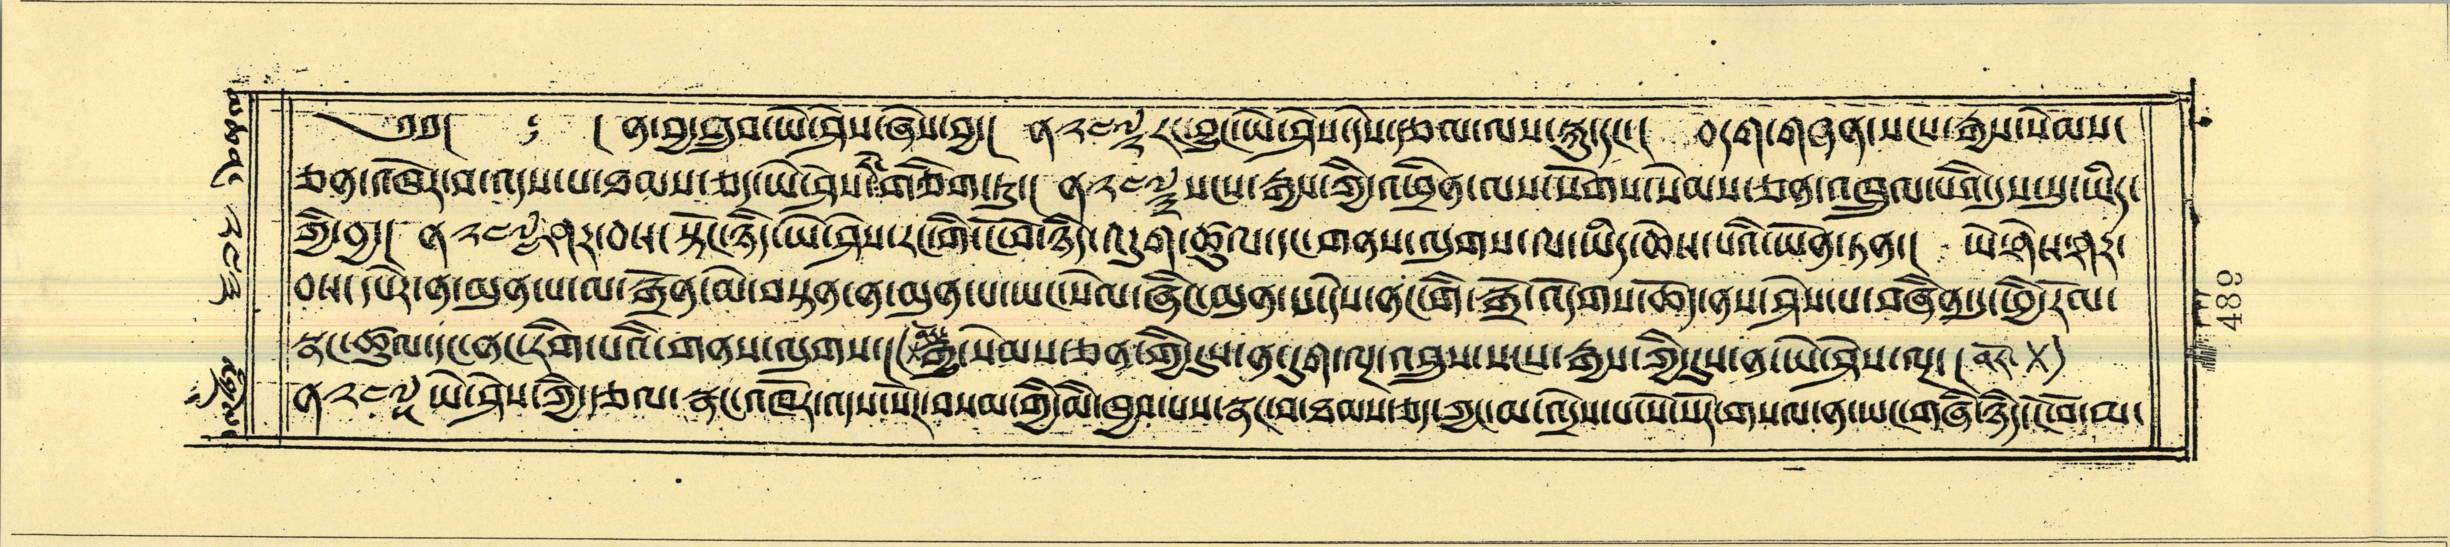ན་བྱ་གྲུབ་ཡེ་ཤེས་བྱ་ ན༢༤༧།༢རང་བྱུང་ཡེ་ཤེས་དེའི་རྩལ་ལས་༼སྐུ་དང་༽༼བདག་གཞན༽སངས་རྒྱས་སེམས་
ཅན་འཁོར་བ་འདས་པ་ཐམས་ཅད་ཡེ་ཤེས་རོ་གཅིག་ཏུ་ ན༢༤༧།༣སངས་རྒྱས་ཀྱི་འཕྲིན་ལས་སོགས་སེམས་ཅན་འཁྲུལ་པའི་དུས་སུ་ཡིད་
ཀྱི་བྱ་ ན་༢༤༧།༤༼ཤར་བས༽སྟོང་ཉིད་ཡེ་ཤེས་རང་གི་ངོ་བོ་ཉིད་༼འདུག་ཚུལ༽དང་གནས་ལུགས་ལ་༼ཡིད་ཆེས་པའི༽ཡོན་ཏན་ ཡེ་ཤེས་ཤར་
བས་དཔེར་ན་མུན་པ་ལ་སྒྲོན་མེ་བསྟན་ན་མུན་པ་ཡང་སེལ་ཞིང་མུན་པ་དེས་ནང་གི་སྒྲོ་འདོགས་ཆོད་ནས་ཤེས་པ་བཞིན་དུ་ཕྱི་རོལ་
སྣང་ཚུལ་དང་ནང་རིག་པའི་གནས་ལུགས་ སེམས་ཅན་གྱི་དུས་ན་དུག་ལྔ་འབྲུས་སངས་རྒྱས་ཀྱི་དུས་ན་ཡེ་ཤེས་ལྔ་
ན༢༤༧།༥ཡེ་ཤེས་ཀྱི་རྩལ་སྣང་འཁོར་འདས་སོགས་བསམ་གྱིས་མི་ཁྱབ་པས་སྣང་བ་ཐམས་ཅད་ཀྱང་མ་འདྲེས་པ་སོ་སོར་གསལ་ནའང་གཞི་ཉིད་ངོ་བོ་ལ་མ་